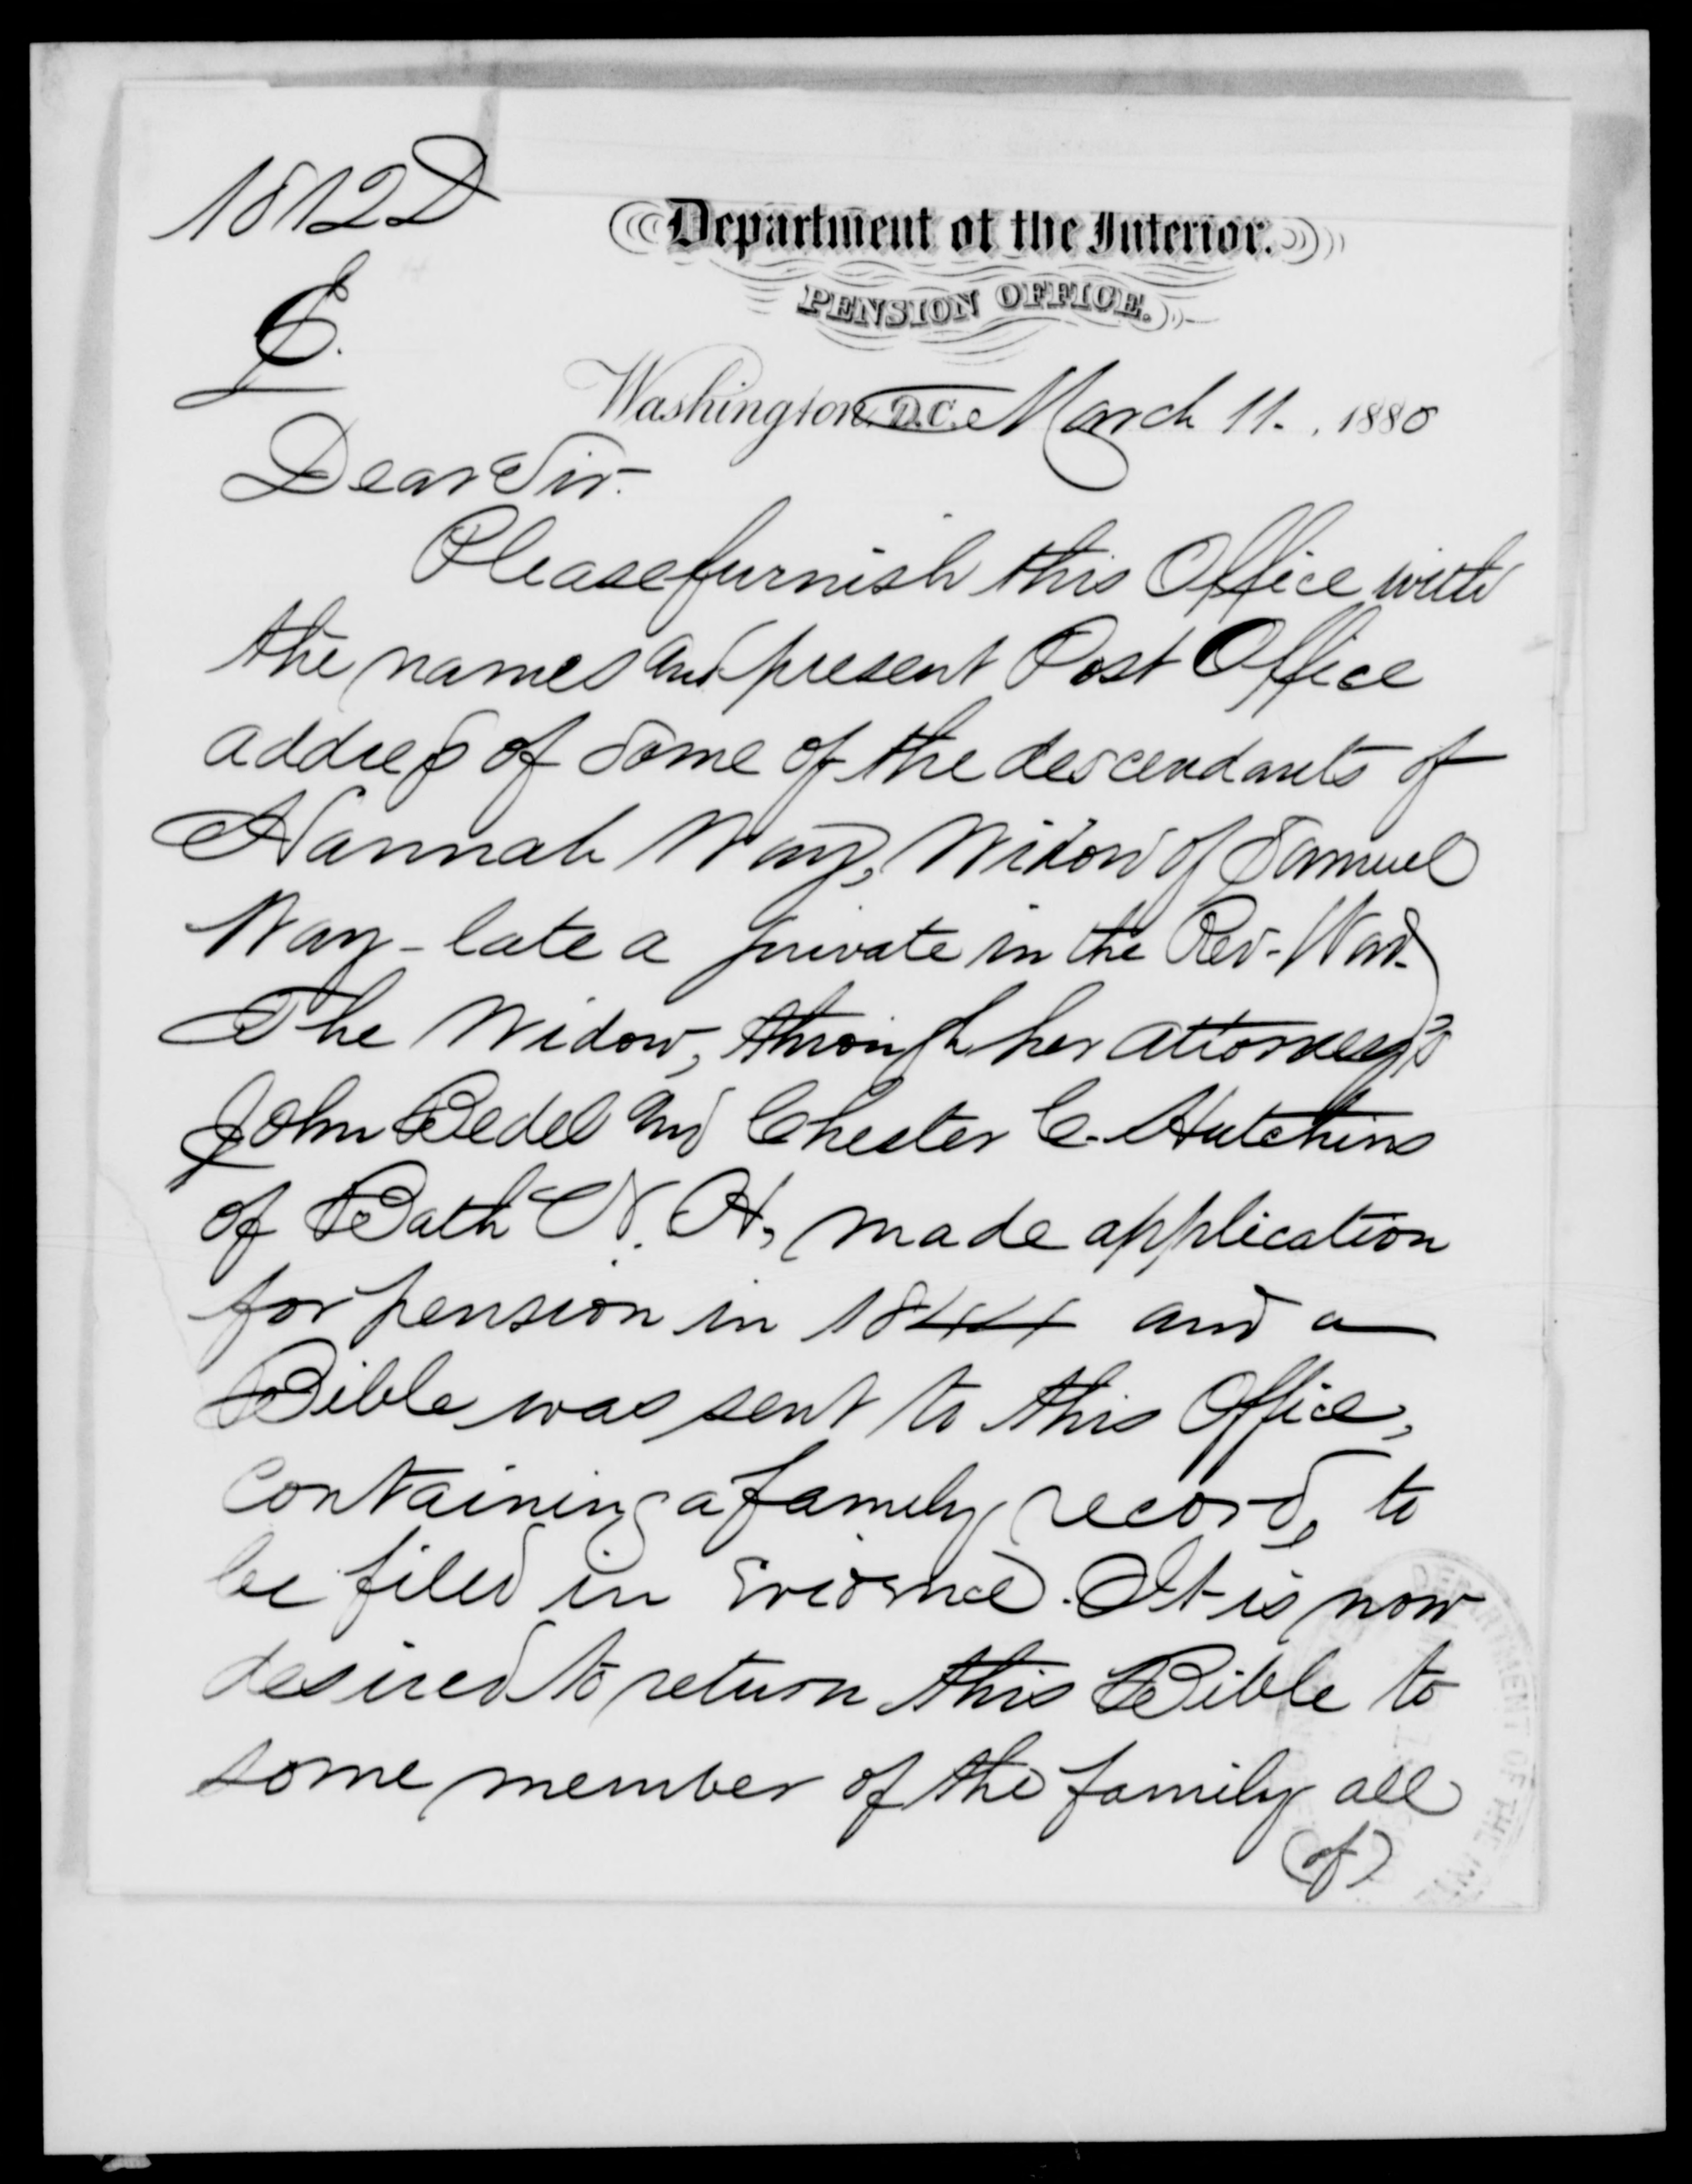18 [illegible]

Department of the Interior.
-
Pension Office
-
Washington D.C. March 11. 1830
Dear Sir
Please furnish this Office with
the names and present Post Office
of
address of some of the descendants of
Hannah May, Widow of Samuel
Way, late a private in the Rev. War.
The Widow, through her attorneys
John Bedel and Chester C. Hutchins
of Bath N.H. made application
for pension in 1844 and a
Bible was sent to this Office,
containing a family record,
to
be filed in evidence. It is now
desired to return this Bible to
some member of the family all
of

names: Samuel Way, Chester C Hutchins, Hannah Way, John Bedel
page: 63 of 78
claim: widow's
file: W. 25856, Samuel Way, N.H.